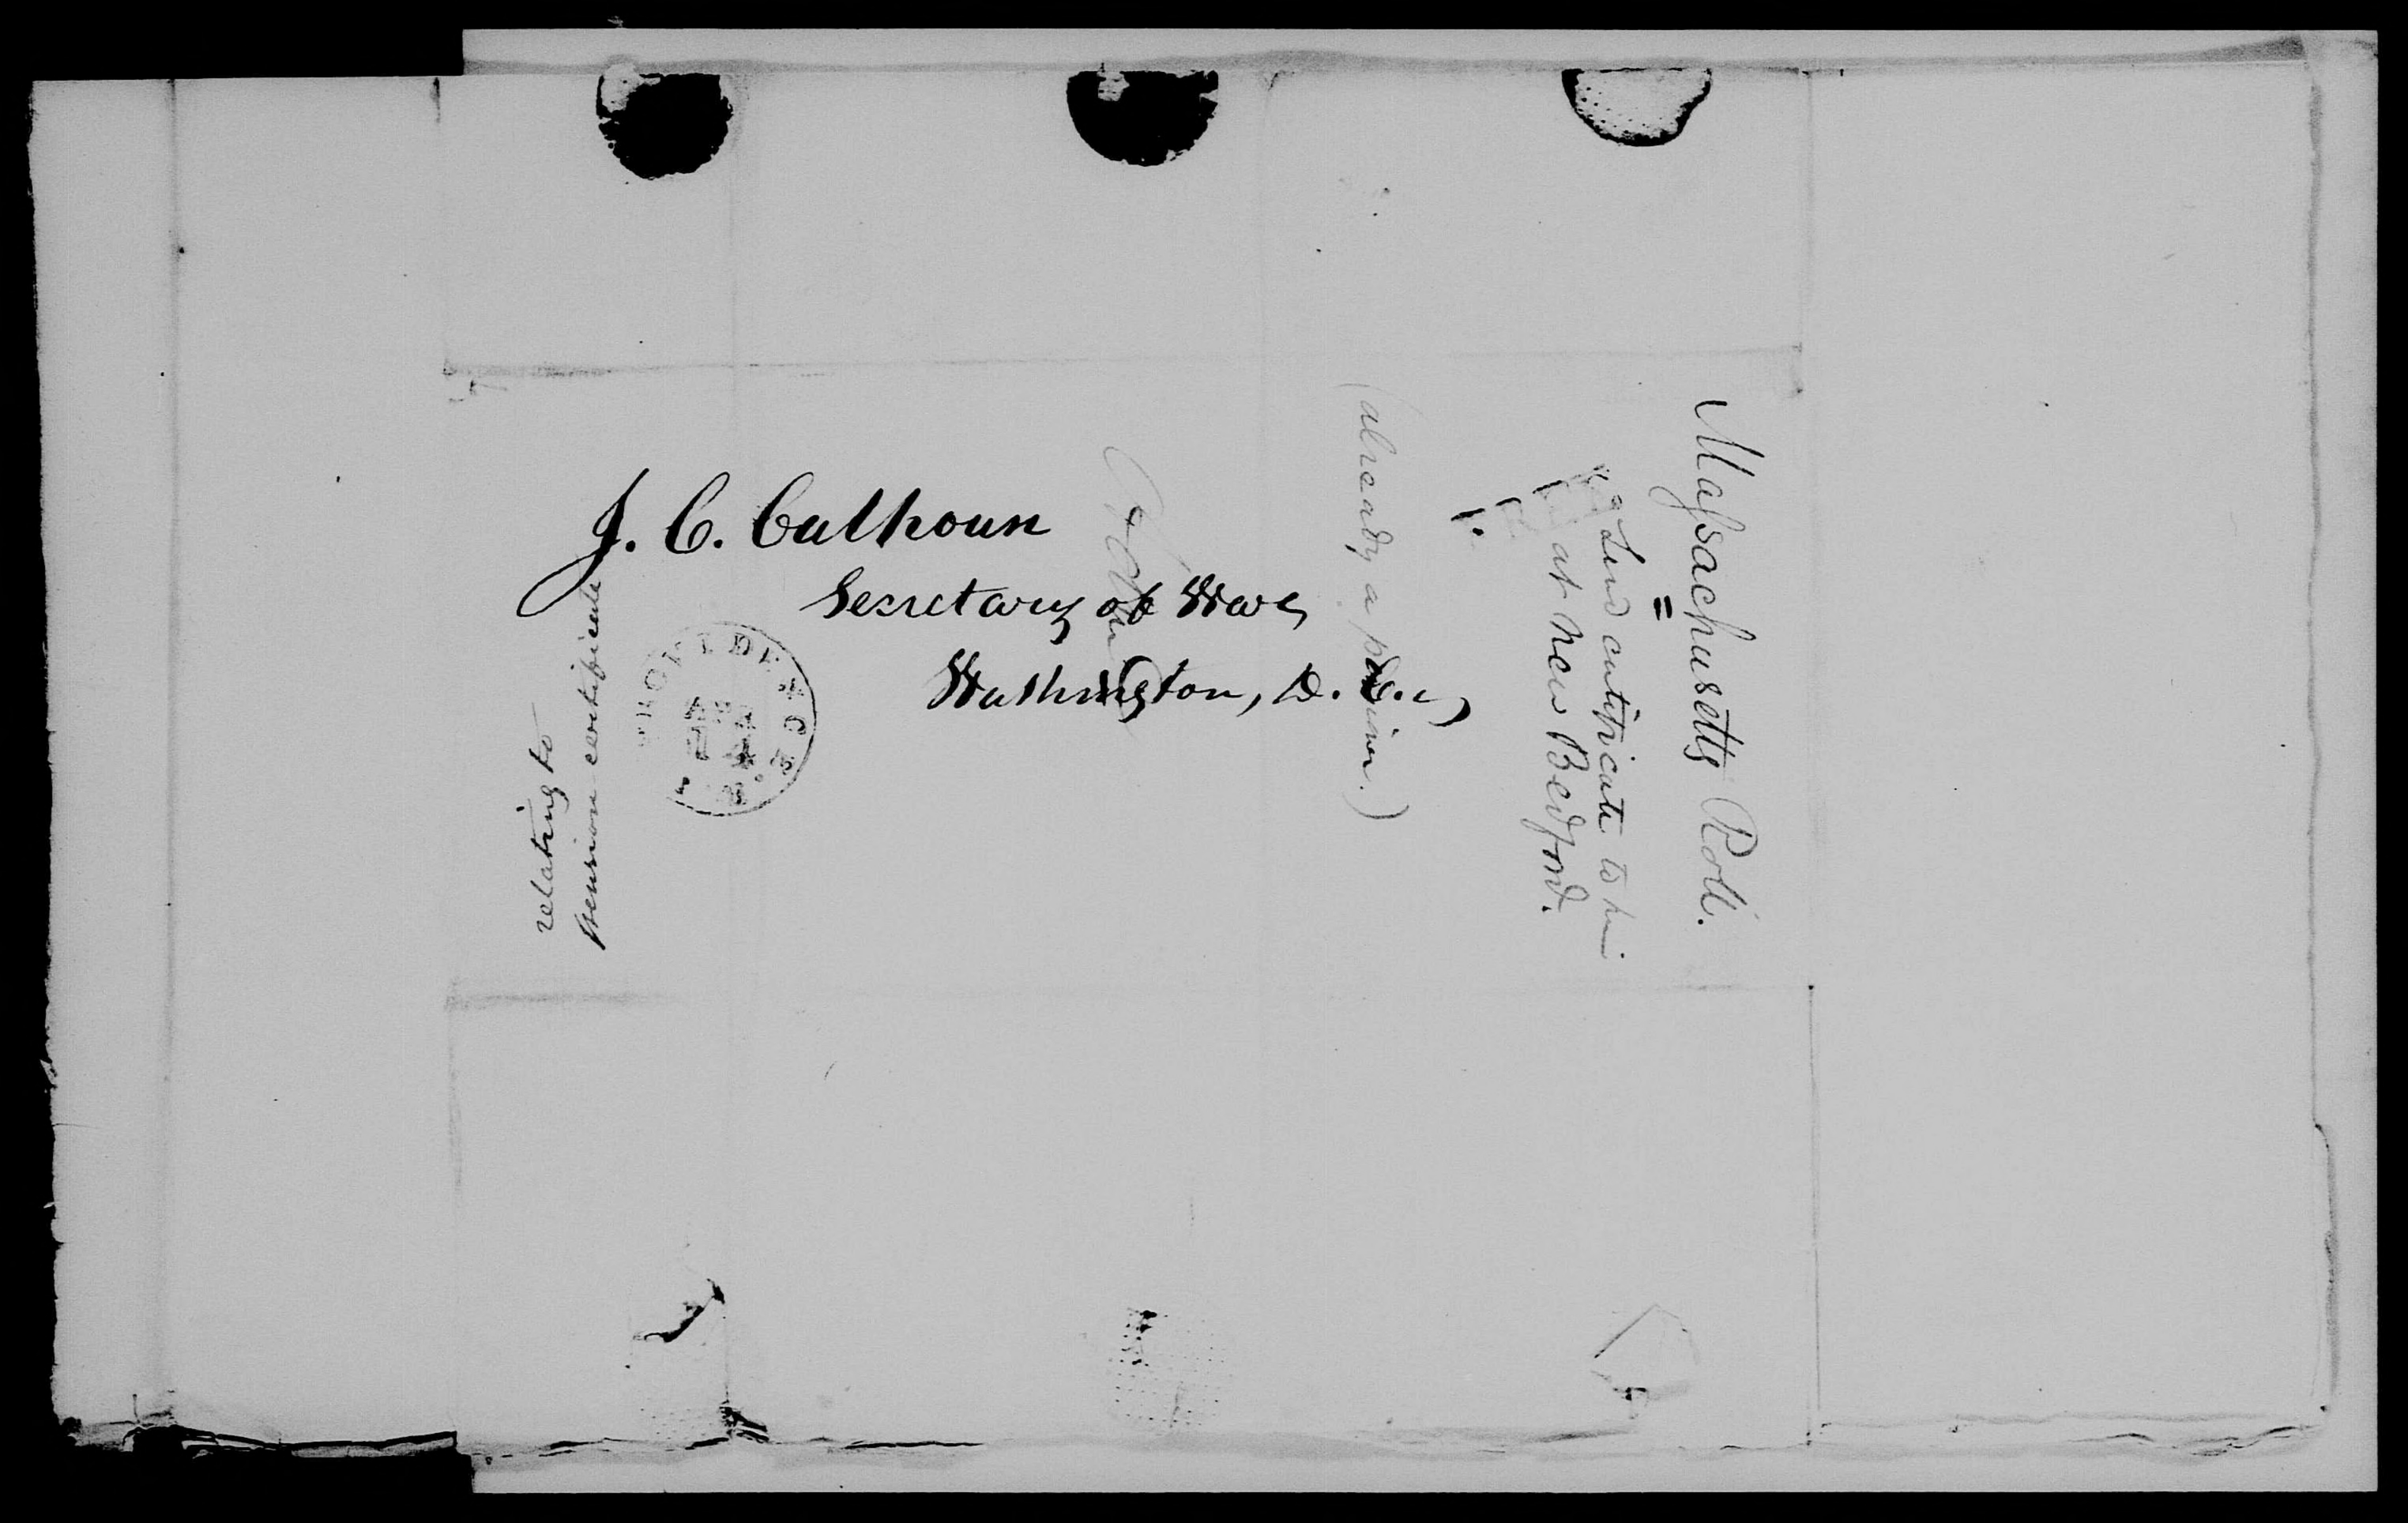J C Calhoun Secretary of War
Secretary of War
Washington D C 
PROVIDENCE R I
APR 14
relating to pension certificate
Massachusetts Roll
new certificate to him
at New Bedford
already on pension
FREE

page: 11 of 22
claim: survivor's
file: S 33777, for Noel Taber, Rhode Island